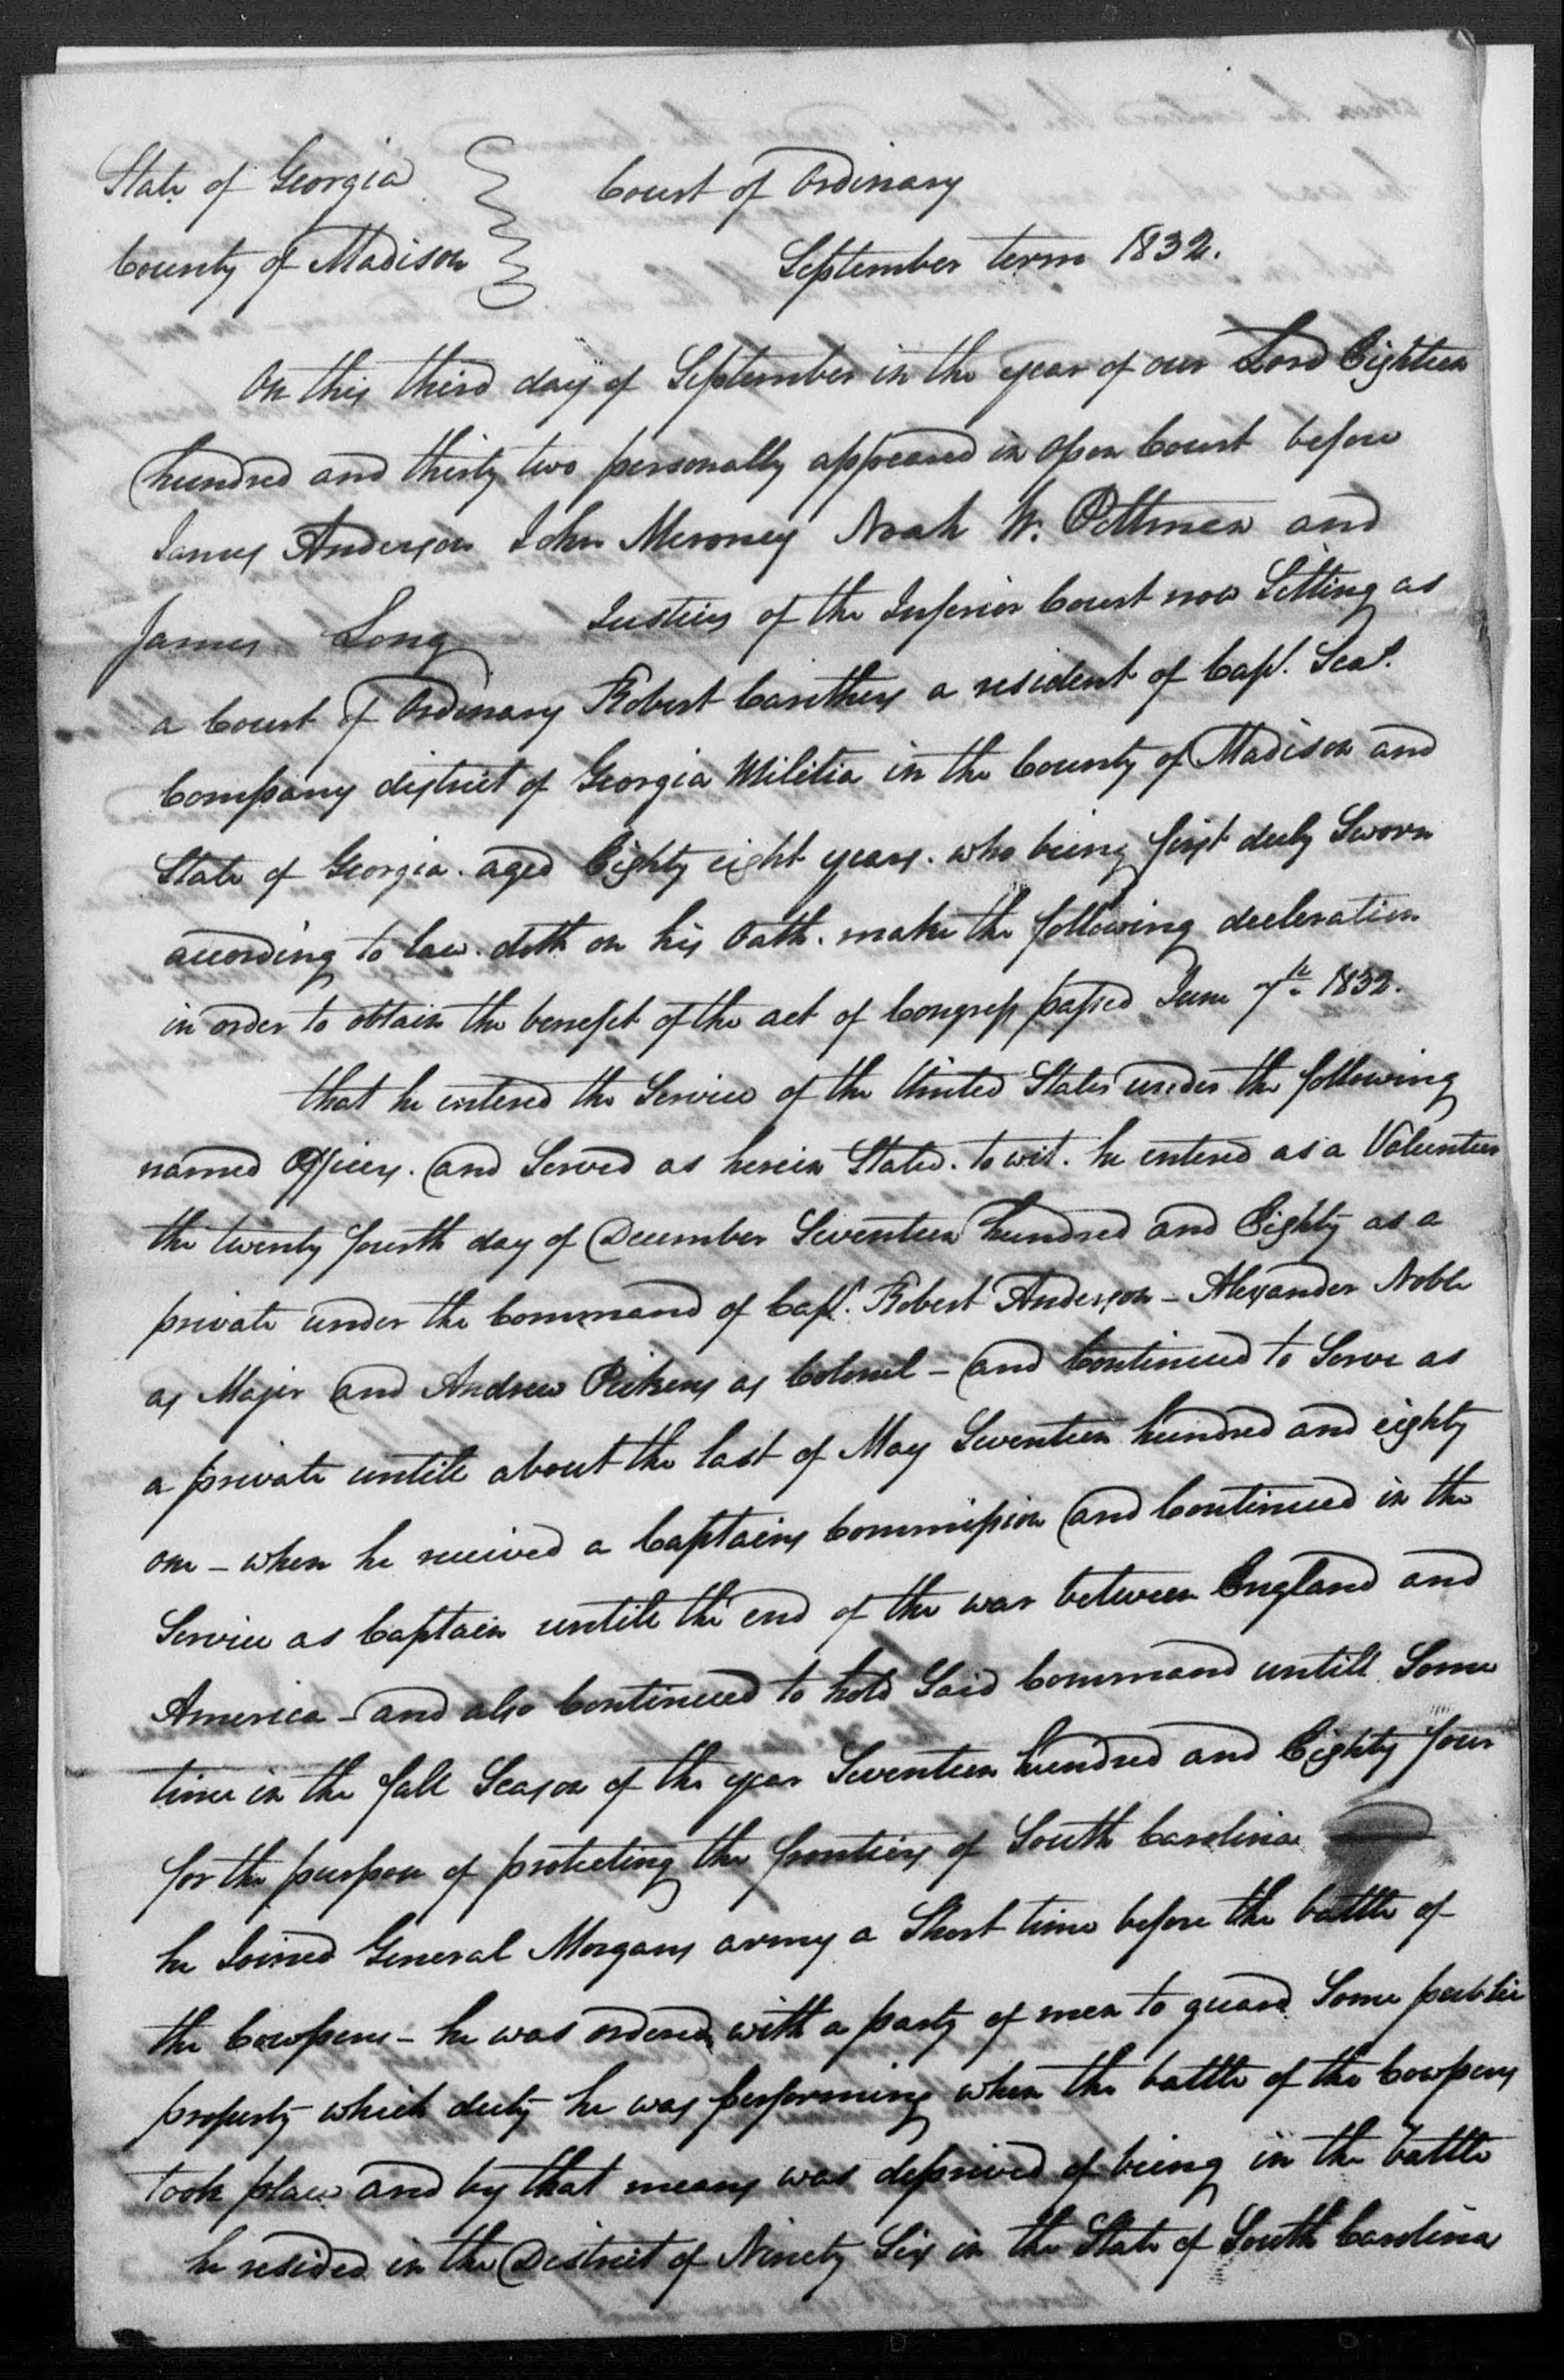State of Georgia
County of Madison
Court of Ordinary
September Term 1832
On this third day of September in the year of our Lord Eighteen
hundred and thirty two personally appeared in open Court before
James Anderson John Moroney Noah W. Pottmen and James
Long Justices of the Inferior Court now sitting as a
Court of Ordinary Robert Carithers a resident of Capt. Seal
Company district of Georgia Militia in the County of Madison and
State of Georgia aged Eighty eight years who being first duly sworn according to law doth on his oath make the following declaration in order to obtain the benefit of the act of Congress passed June 7th 1832
that he entered the service of the United States under the following
named officers and served as herein stated to wit. he entered as a Volunteer
the twenty fourth day of December Seventeen hundred and Eighty as a
private under the command of Capt Robert Anderson Alexander Noble
as Mayor and Andrew Pickens as Colonel and continued to serve as a
private untill about the last of May Seventeen hundred and eighty
1
when he received a Captains Commission and continued in the
Service as Captain until the end of the war between England and
America and also continued to hold said command until some
time in the fall season of the year Seventeen hundred and Eighty four
for the purpose of protecting the frontiers of South Carolina
he joined General Morgans army a short time before the battle of
the Cowpens-- he was ordered with a party of men to guard some public
property which duty he was performing when the battle of the Cowpens 
took place and by that means was deprived of being in the battle
he resided in the District of Ninety Six in the State of South Carolina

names: Robert Carithers, Alexander Nobb, Robert Anderson, Noah W Pittman, James Long, Andrew Pickens, John Meroney, James Anderson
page: 3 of 33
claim: widow's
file: W. 23779, Robert Carithers, S.C.